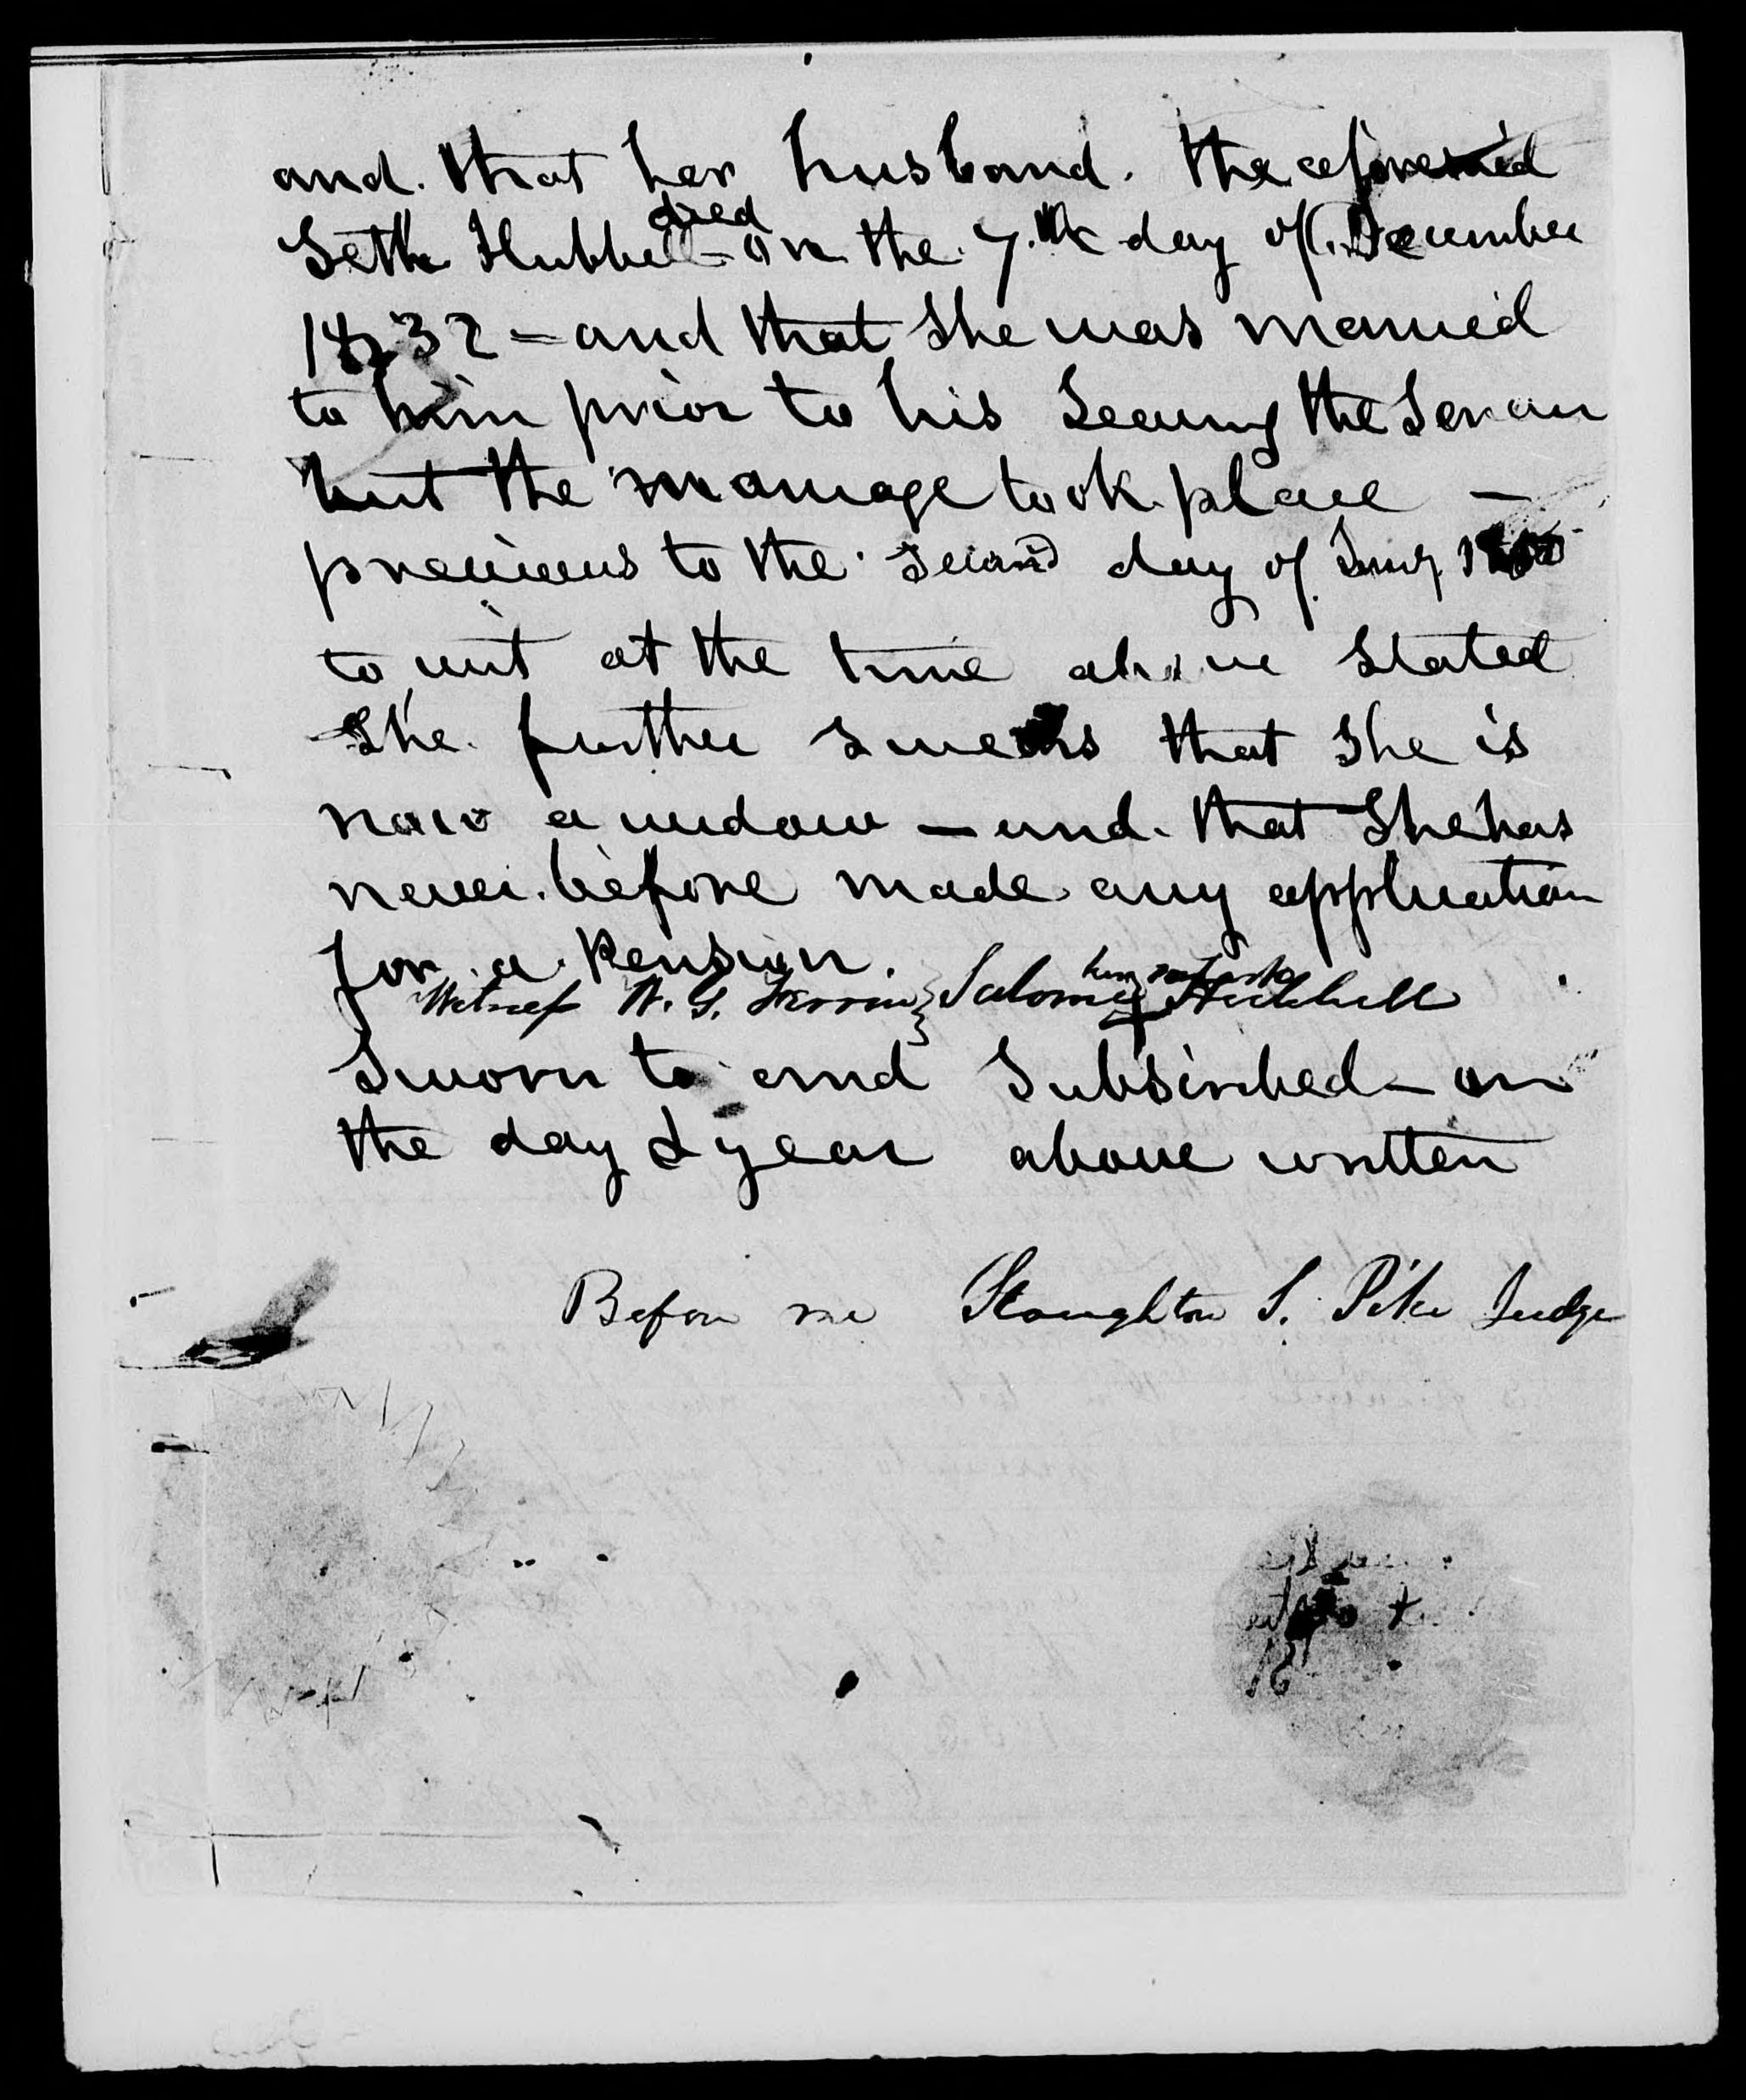and that her husband the aforesaid Seth Hubbell died on the 7th day of December 1832 - and that she was married to him prior to his leeving the Service but the marriage took place pervious to the second day of July [year illegible] to wit at the time above stated she further swears that she is now a widow _ and that she has never before made any application for a Pension. 
Witness W.G. Ferrin } Salome Hubbell [illegible words above name of Salome]
Sworn to and subscribed on the day & year above written
Before me Stoughton S. Pike Judge

[appeared to be a seal at bottom left]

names: Seth Hubbell, Stoughton S Pike, W G Ferrin, Salome Hubbell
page: 18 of 114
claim: widow's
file: W. 2115, Seth Hubbell, Conn.